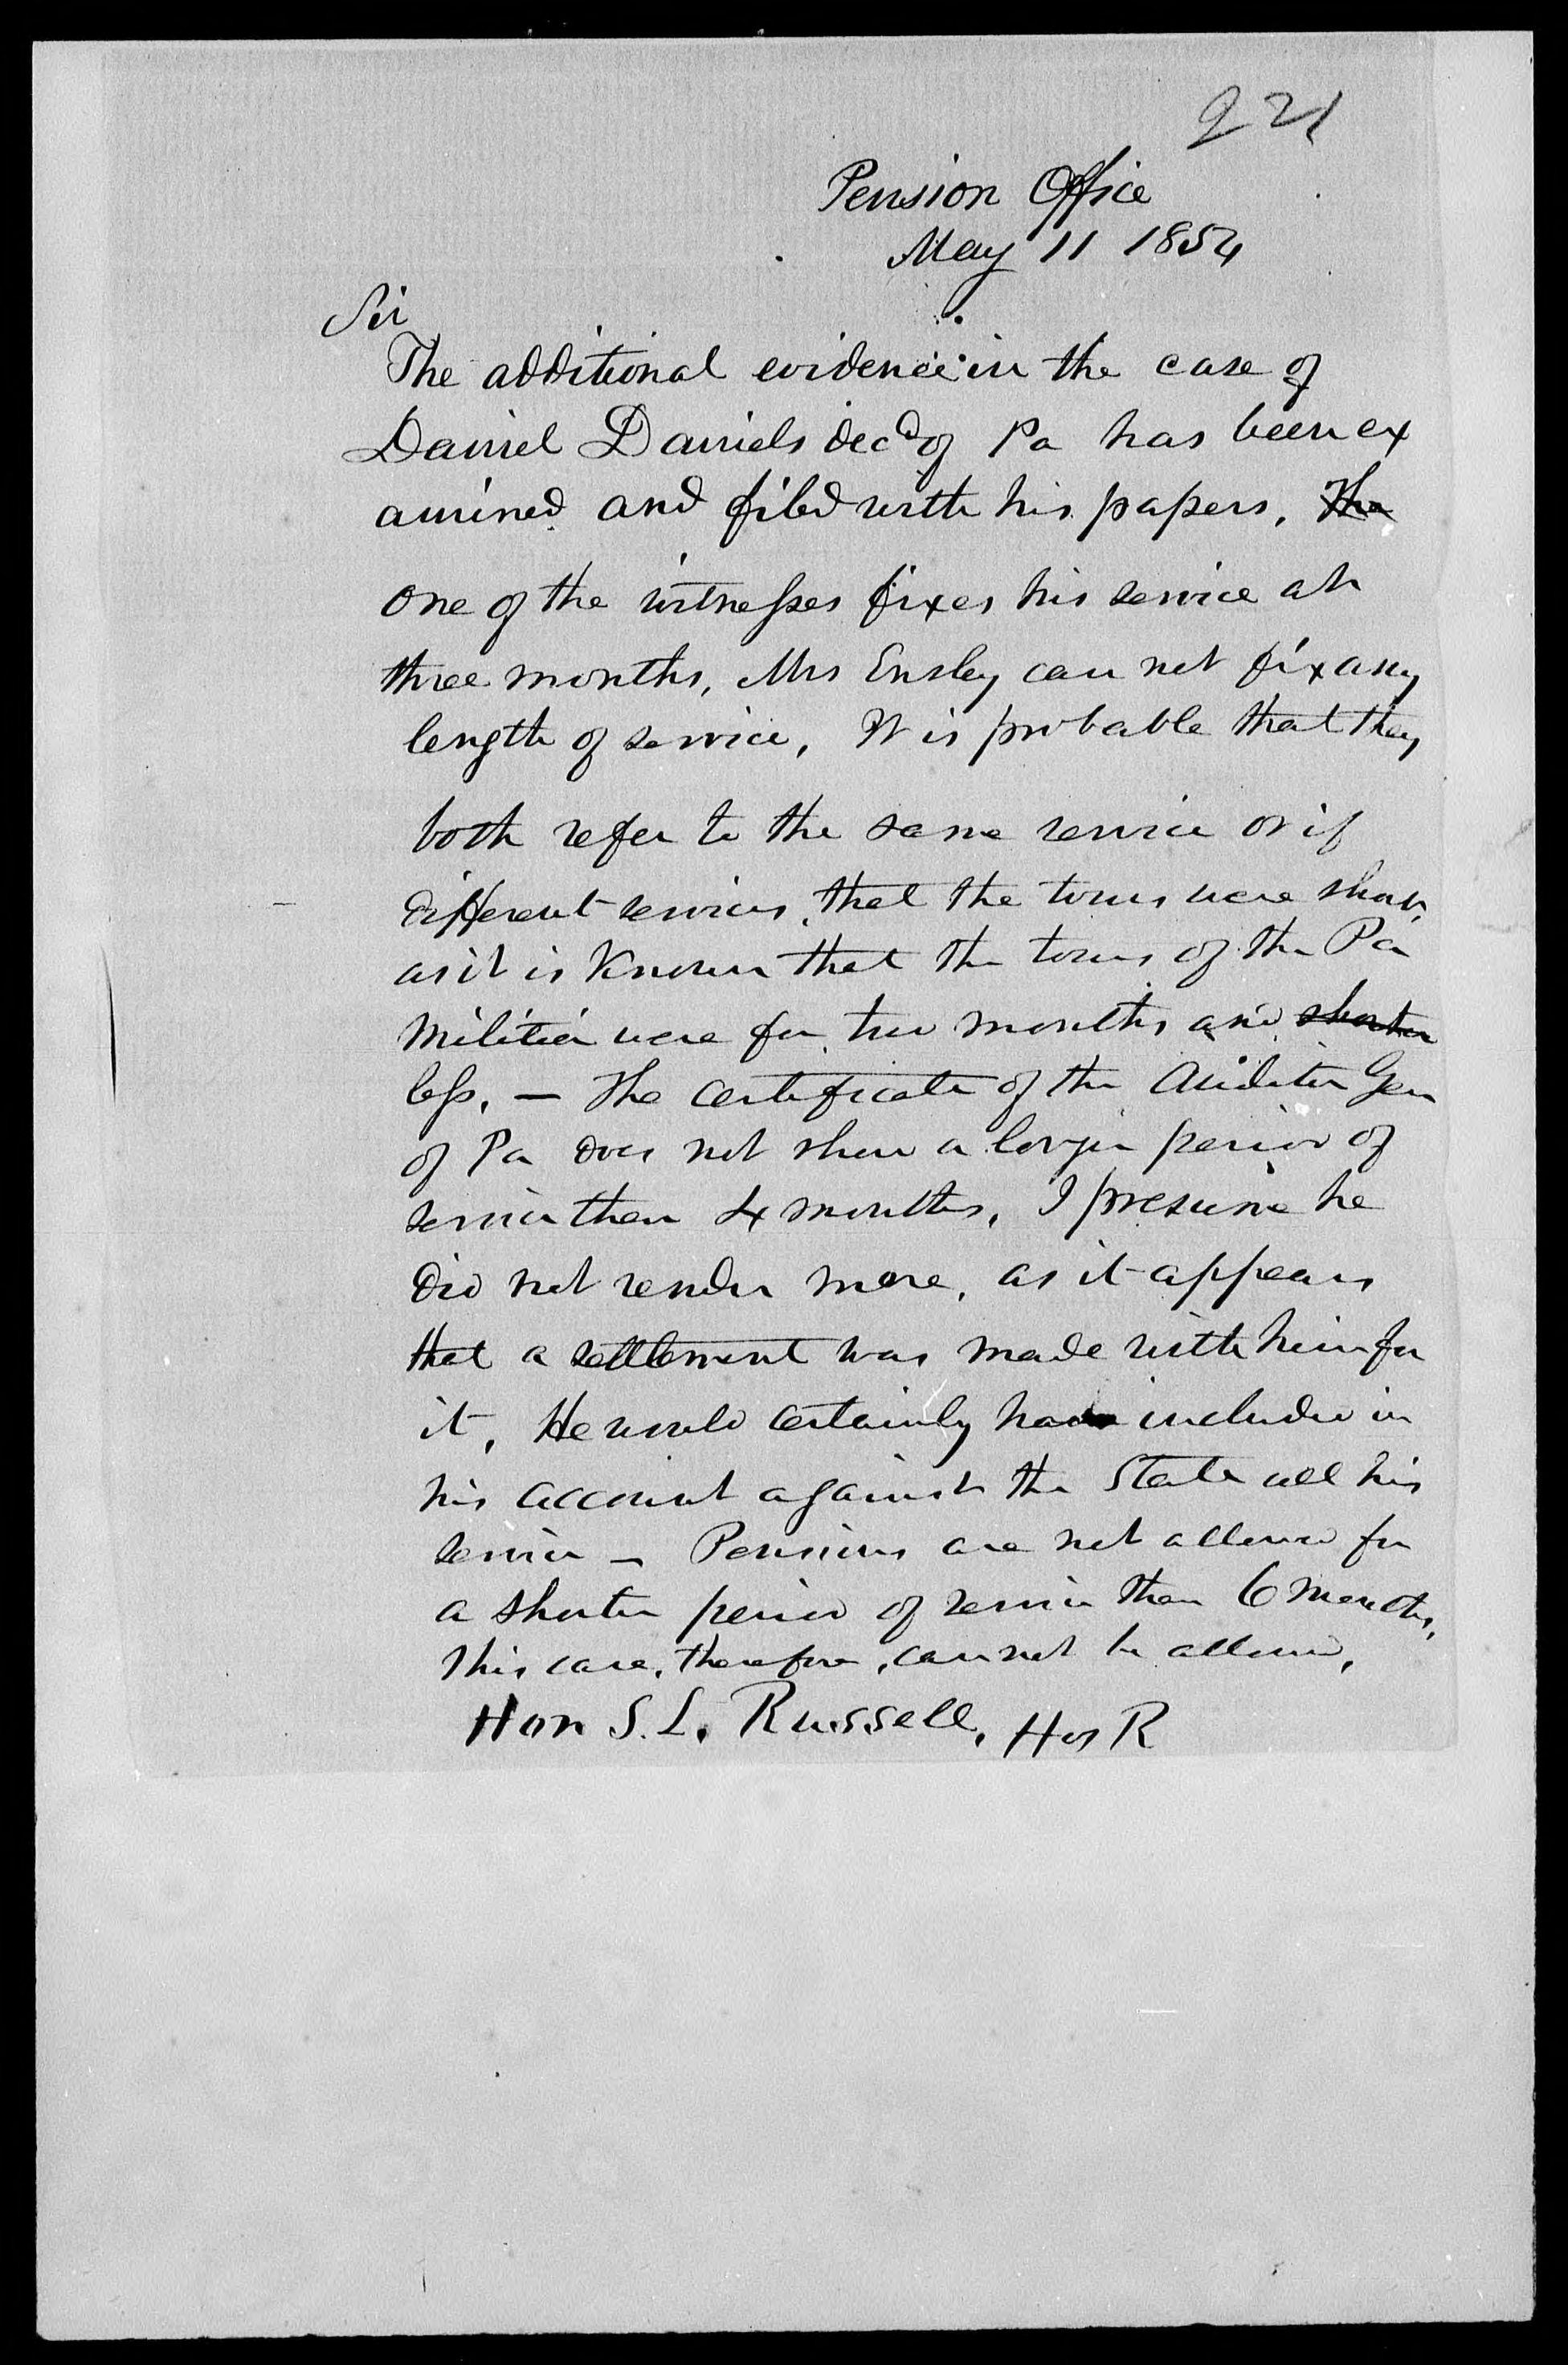221
Pension Office
May 11 1854
Sir
The additional evidence in the case of
Daniel Daniels decd of Pa has been examined
and filed with his papers. [crossed out, The]
one of the witnesses fixes his service at
three months, Mrs Ensley can not fix any
length of service. It is probable that they
both refer to the same service or if
different services that the tours were short.
as it is known that the tours of the Pa
Militia were for two months and [crossed out, shorter]
less. The certificate of the Auditor Gen.
of Pa does not show a longer period of
service than 4 months. I presume he
did not render more, as it appears
that a settlement was made with him for
it. He would certainly have included in
his account against the State all his
service. Pensions are not allowed for
a shorter period of service than 6 months.
This case, therefore, cannot be allowed.
Hon S. L. Russell, H of R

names: S L Russell, Ensley, Daniel Daniels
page: 27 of 35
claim: rejected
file: R. 2,650, Daniel Daniels, Penn.